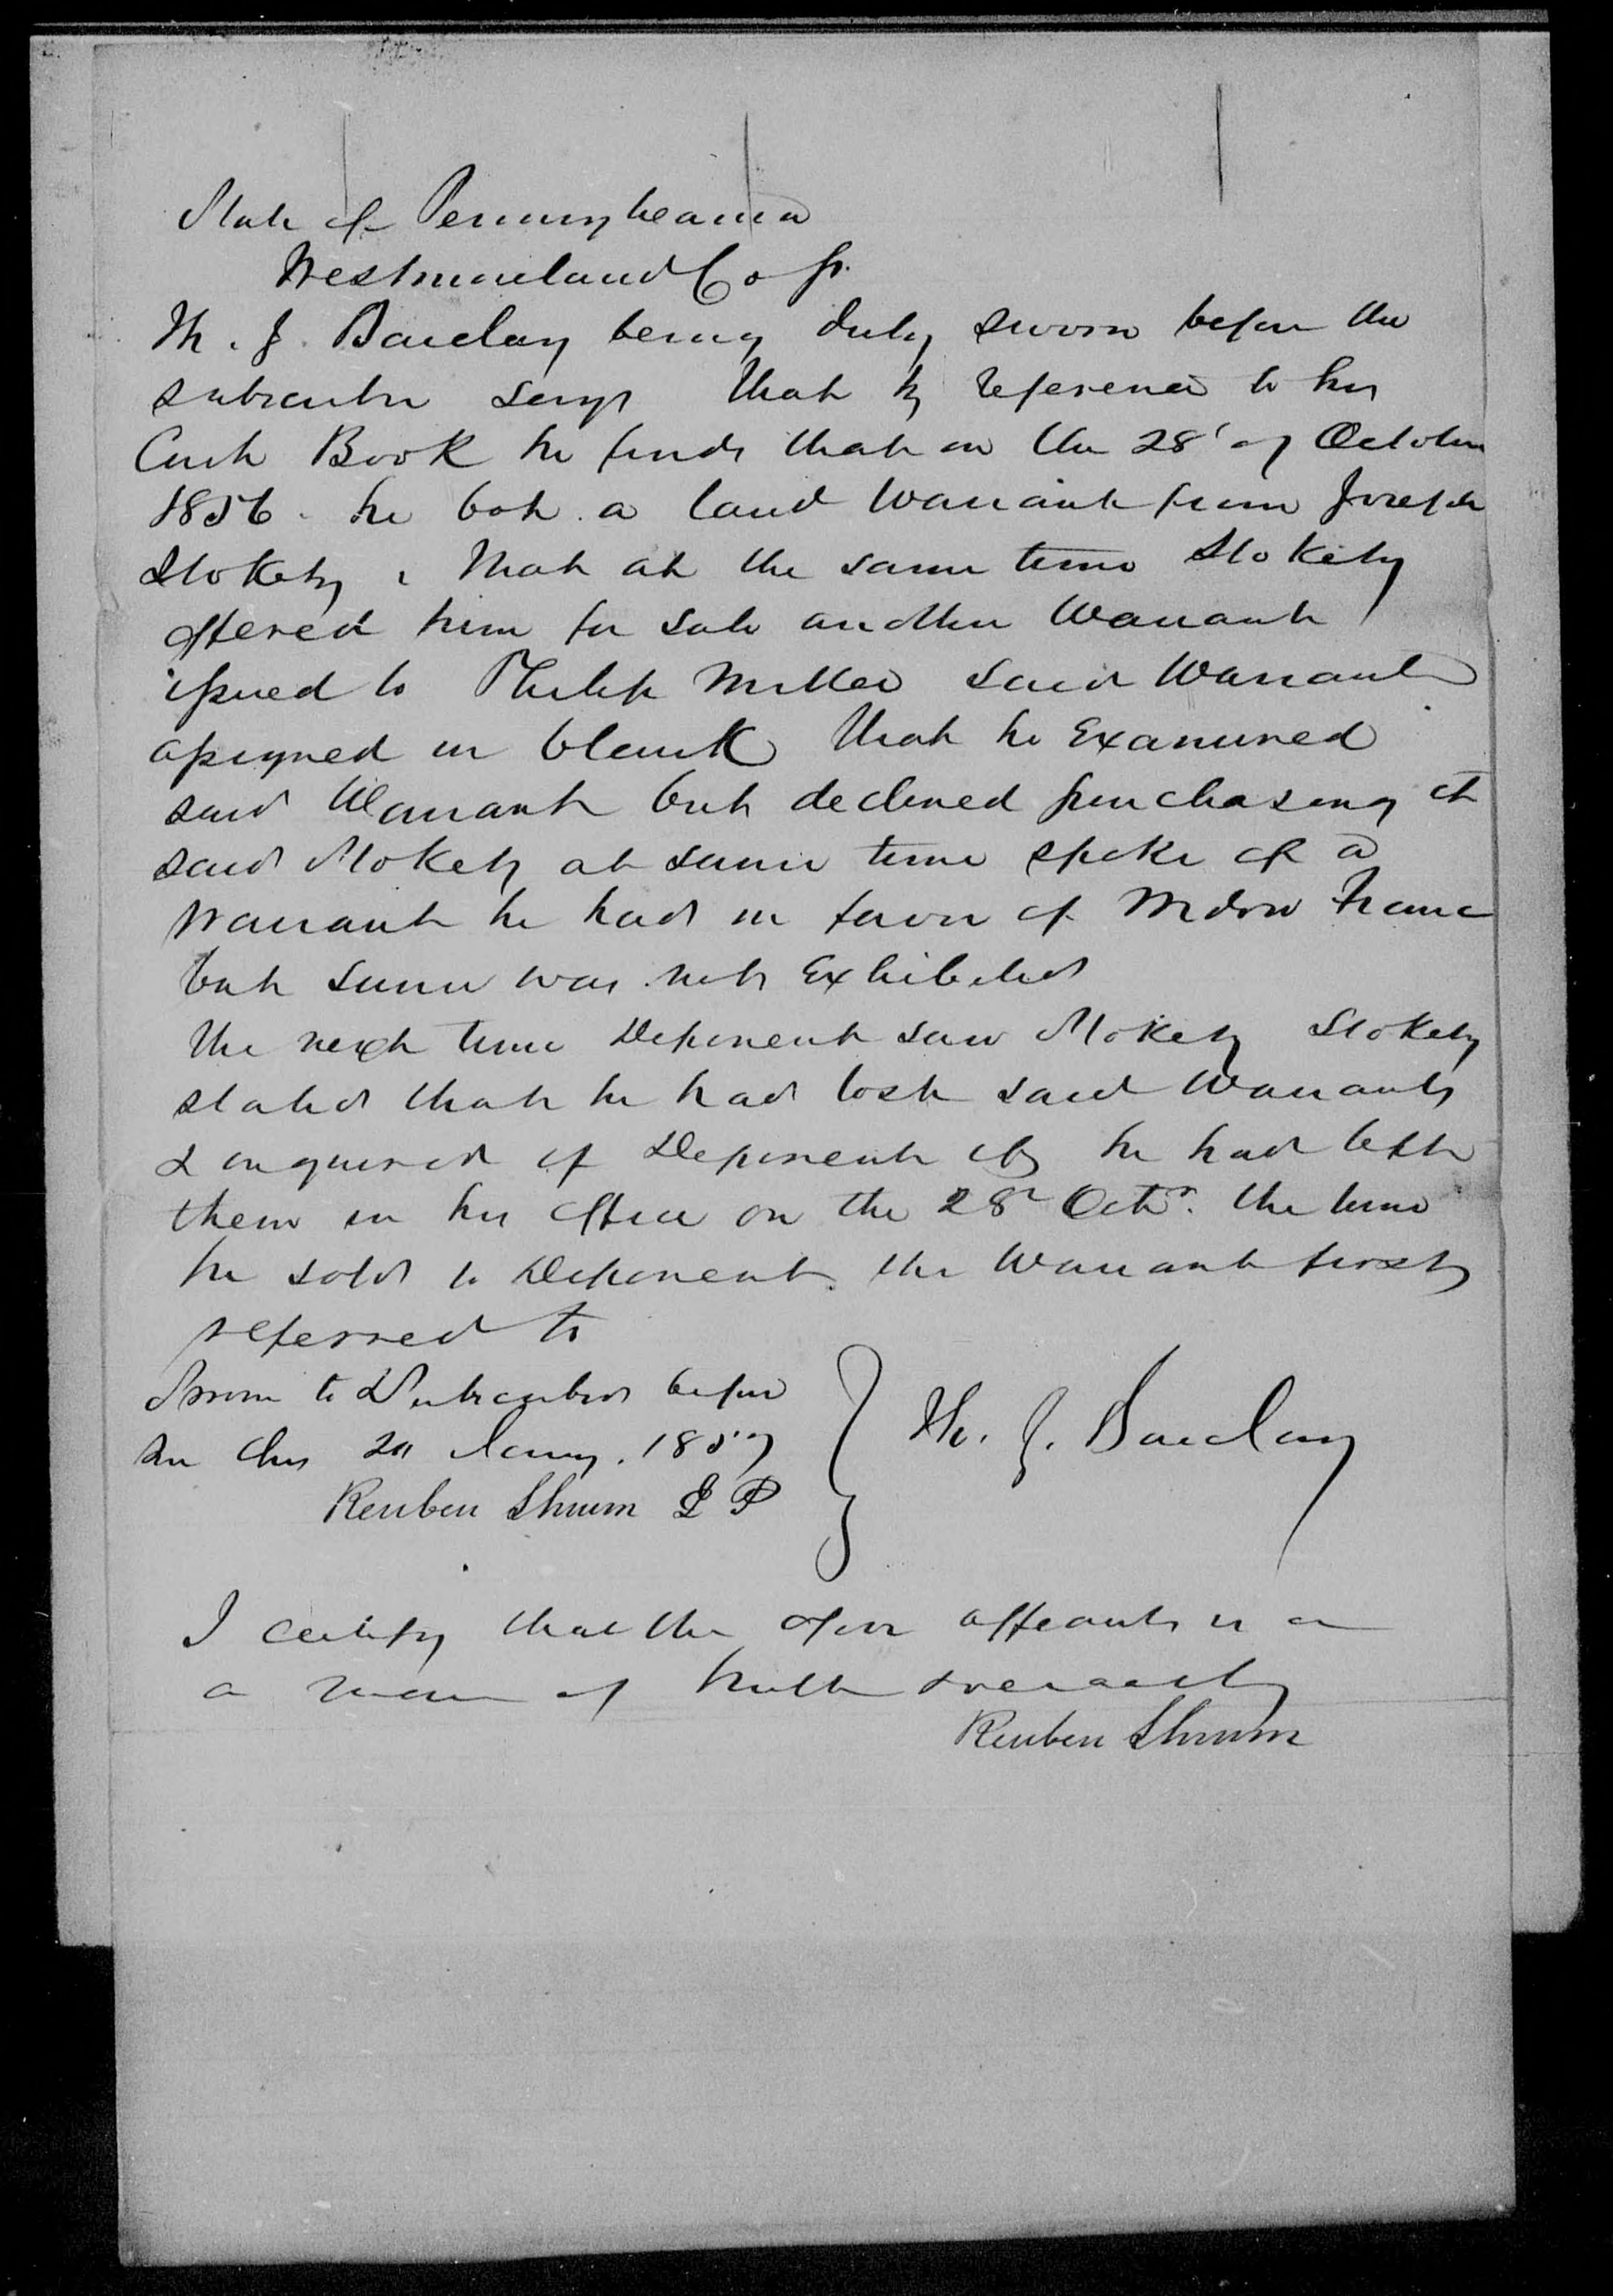State of Pennsylvania
Westmoreland Co. SS
Th. J. Barclay being duly sworn before the subscriber says that by reference to her Cash Book he finds that on the 28' of October 1856 he bot (bought) a land warrant from Joseph Stokes that at the same time Stokely offered him for sale another Warrant issued to Philip Miller said warrant assigned on blank that he examined said Warrant but declined purchasing it said Stokely at same time spoke of a Warrant he had in town of Meadow Fence but same was not exhibited
The next time Depenent saw Stokely Stokely stated that he had lost said warrant & enquired if Deponent as he had been threw in his office on the 28th Oct. the time he sold to Deponent the warrant first referred to
Th. J. Barclay
Sworn to Subscriber before him this 20 Jany. 1857
Reuben Shum J P

I certify that the above applicant is a man of truth and veracity.
Reuben Shrum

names: Th J Barclay, Reuben Shrum, Th J Barclay, Joseph Stokely, Stokely, Stokely, Philip Miller, Stokely, Reuben Shrum, Stokely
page: 64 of 92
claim: widow's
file: W 1173, Robert Hamill, Penn.